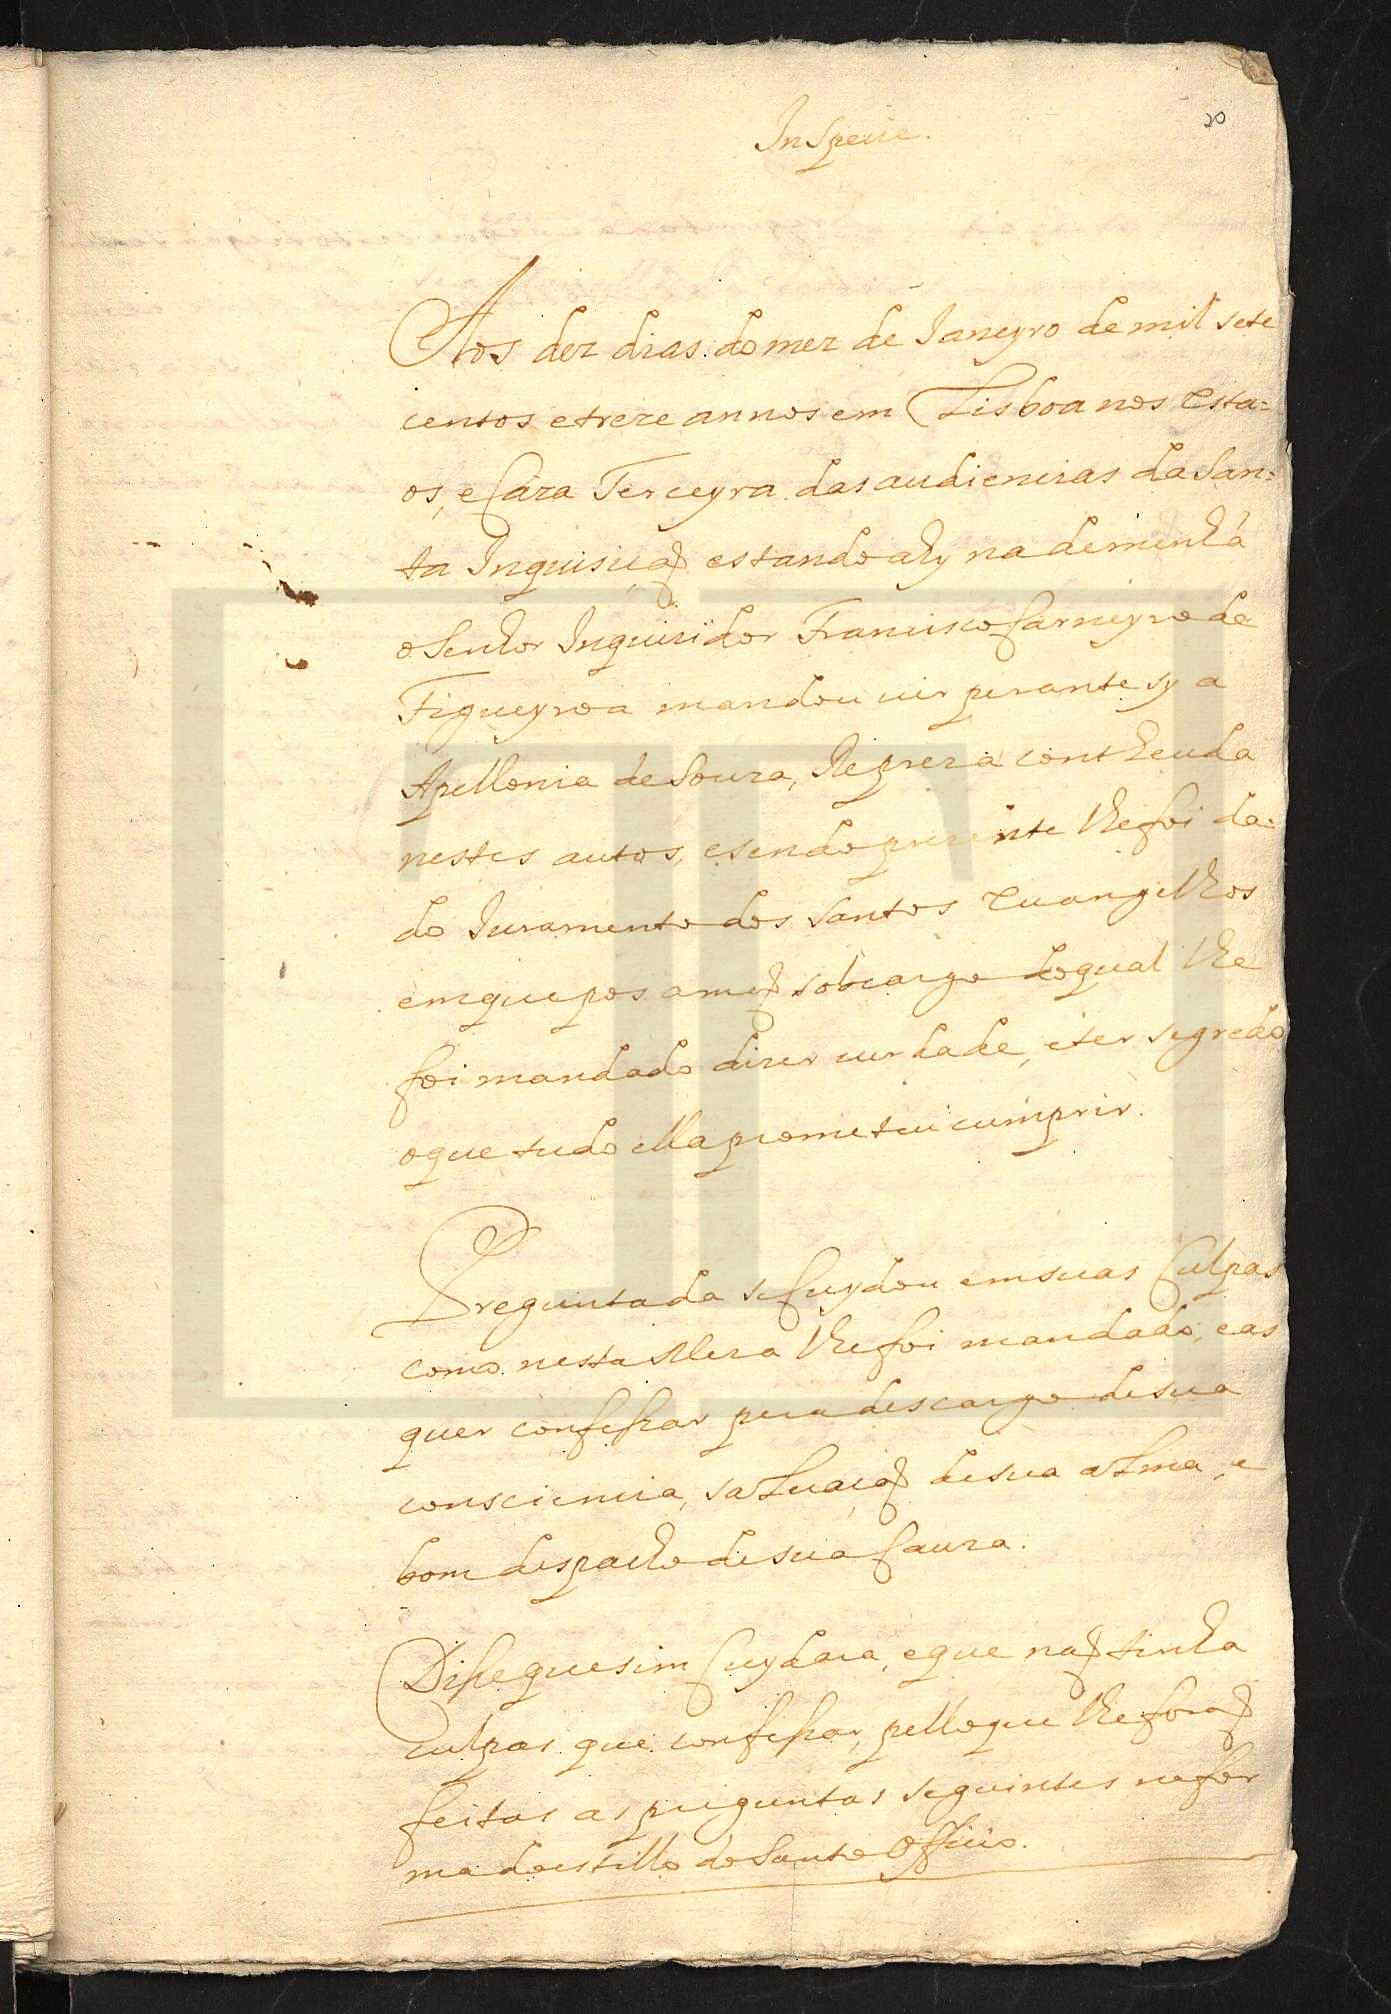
In specie
Aos dez dias do mez de Ianeyro de mil sete
centos e treze annos em Lisboa nos esta
os, e Caza Terceyra das audiencias da San
ta Inquisiçaõ estando ahy na de menhã
o Senhor Inquizidor Francisco Carneyro de
Figueyroa mandou uir perante sy a
Apellonia de Souza, Re preza contheuda
nestes autos, e sendo prezente lhe foi da
do Iuramento aos Santos Euangelhos
em que pos a maõ sob cargo do qual lhe
foi mandado dizer uerdade, e ter segredo
o que tudo ella prometeu cumprir.
Preguntada se Cuydou em suas Culpas
como nesta Meza lhe foi mandado e as
quer confessar pera descargo de sua
consciencia, saluaçaõ de sua alma, e
bom despacho de sua Cauza.
Disse que sim Cuydara, e que naõ tinha
culpas que confessar, pello que lhe foraõ
feitas as perguntas seguintes na for
ma do estillo do Santo Officio.
